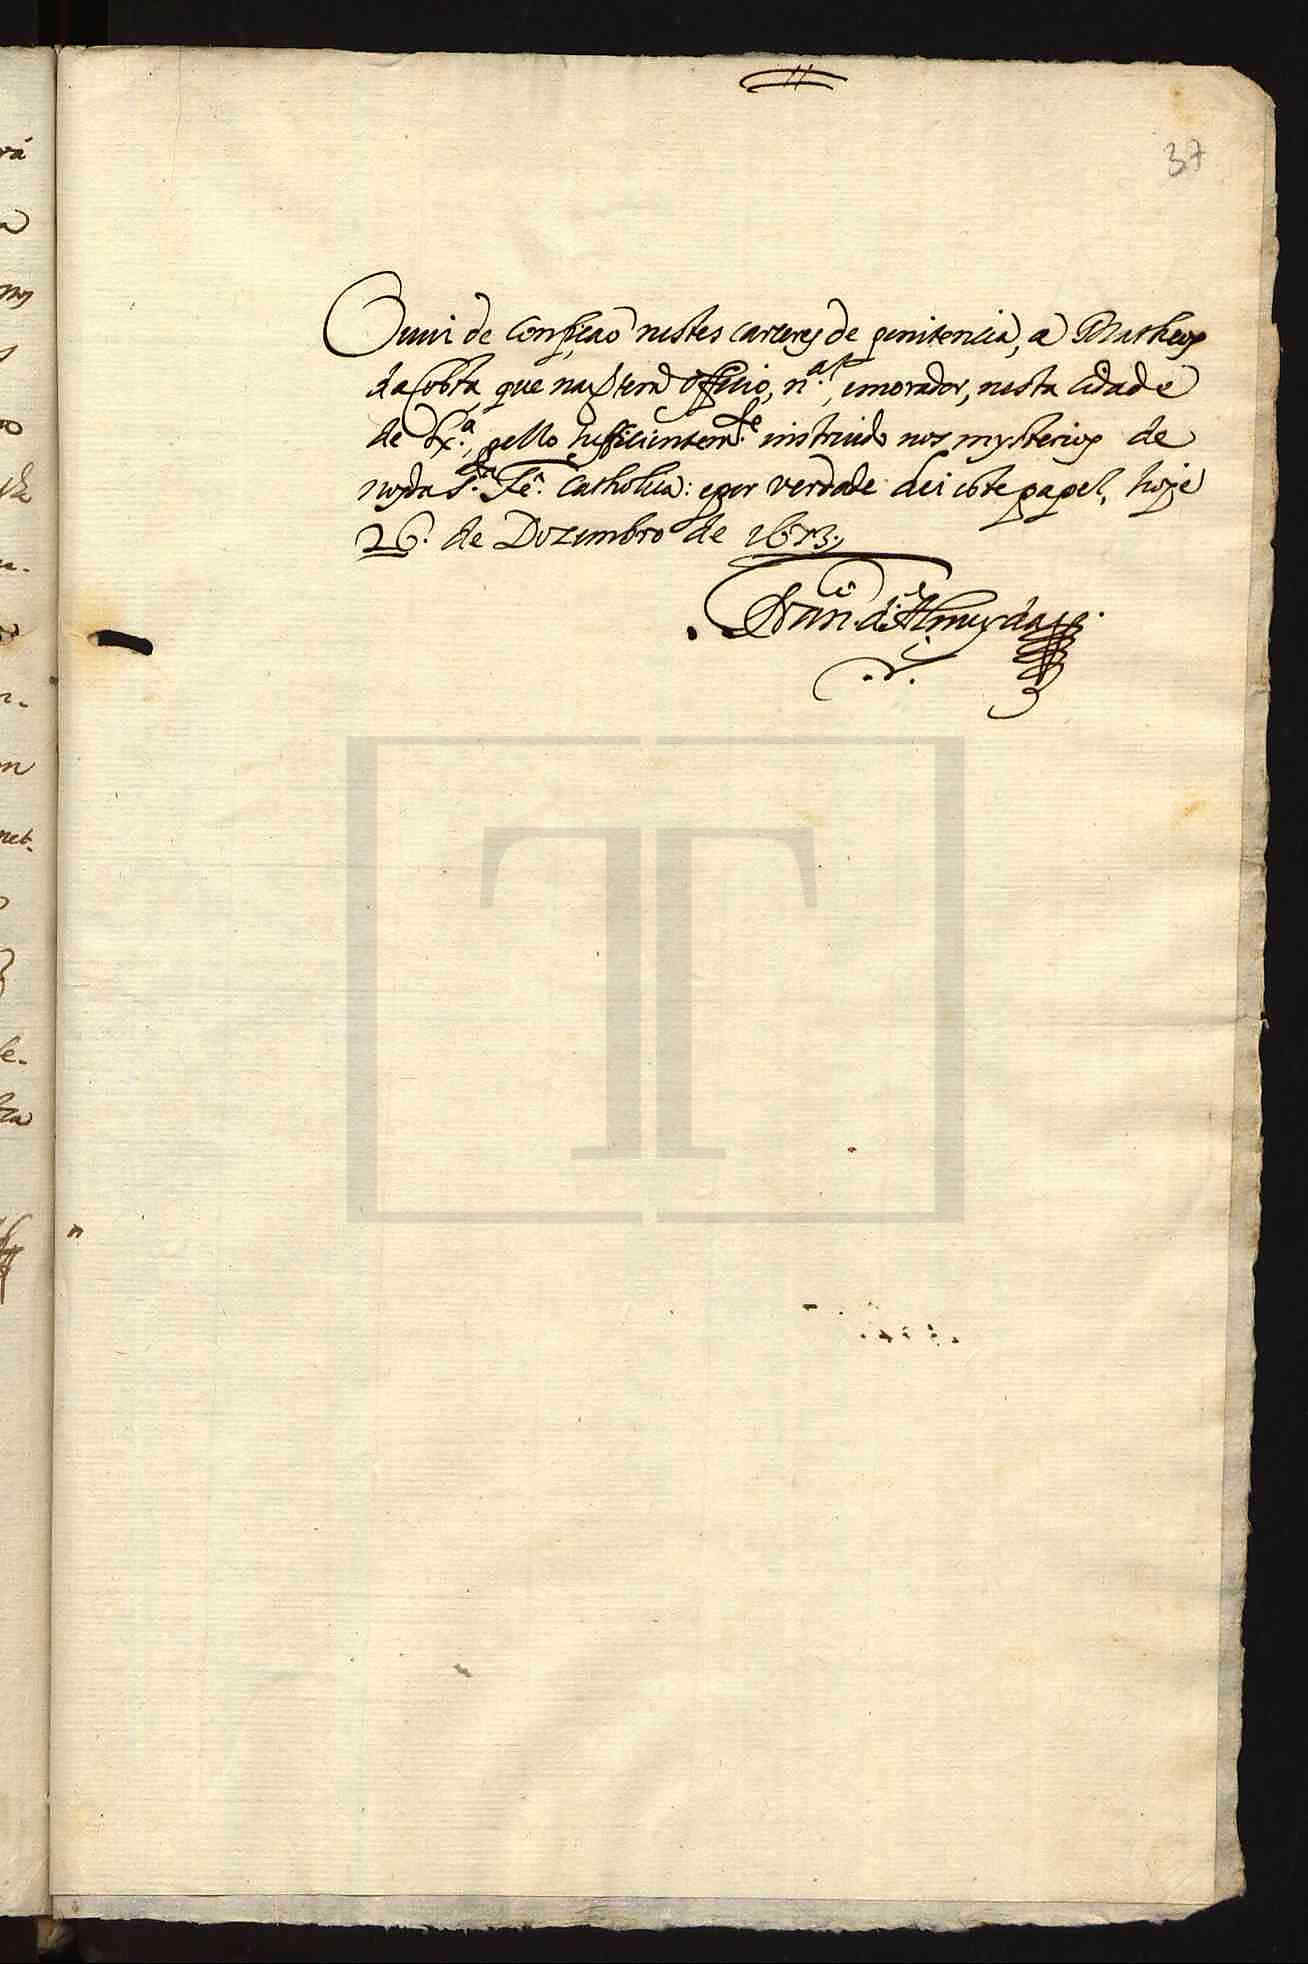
Ouui de confiçaõ nestes carceres de penitencia, a Matheos
da Costa, que naõ tem officio, n.al, e morador, nesta Cidade
de Lx.a, pello sufficientem.te instruido nos mysterios de
nossa s.ta Fê. Catholica: e per verdade dei este papel, hoje
26 de Dezembro de 1673.
Fran.co d.e Almeyda
